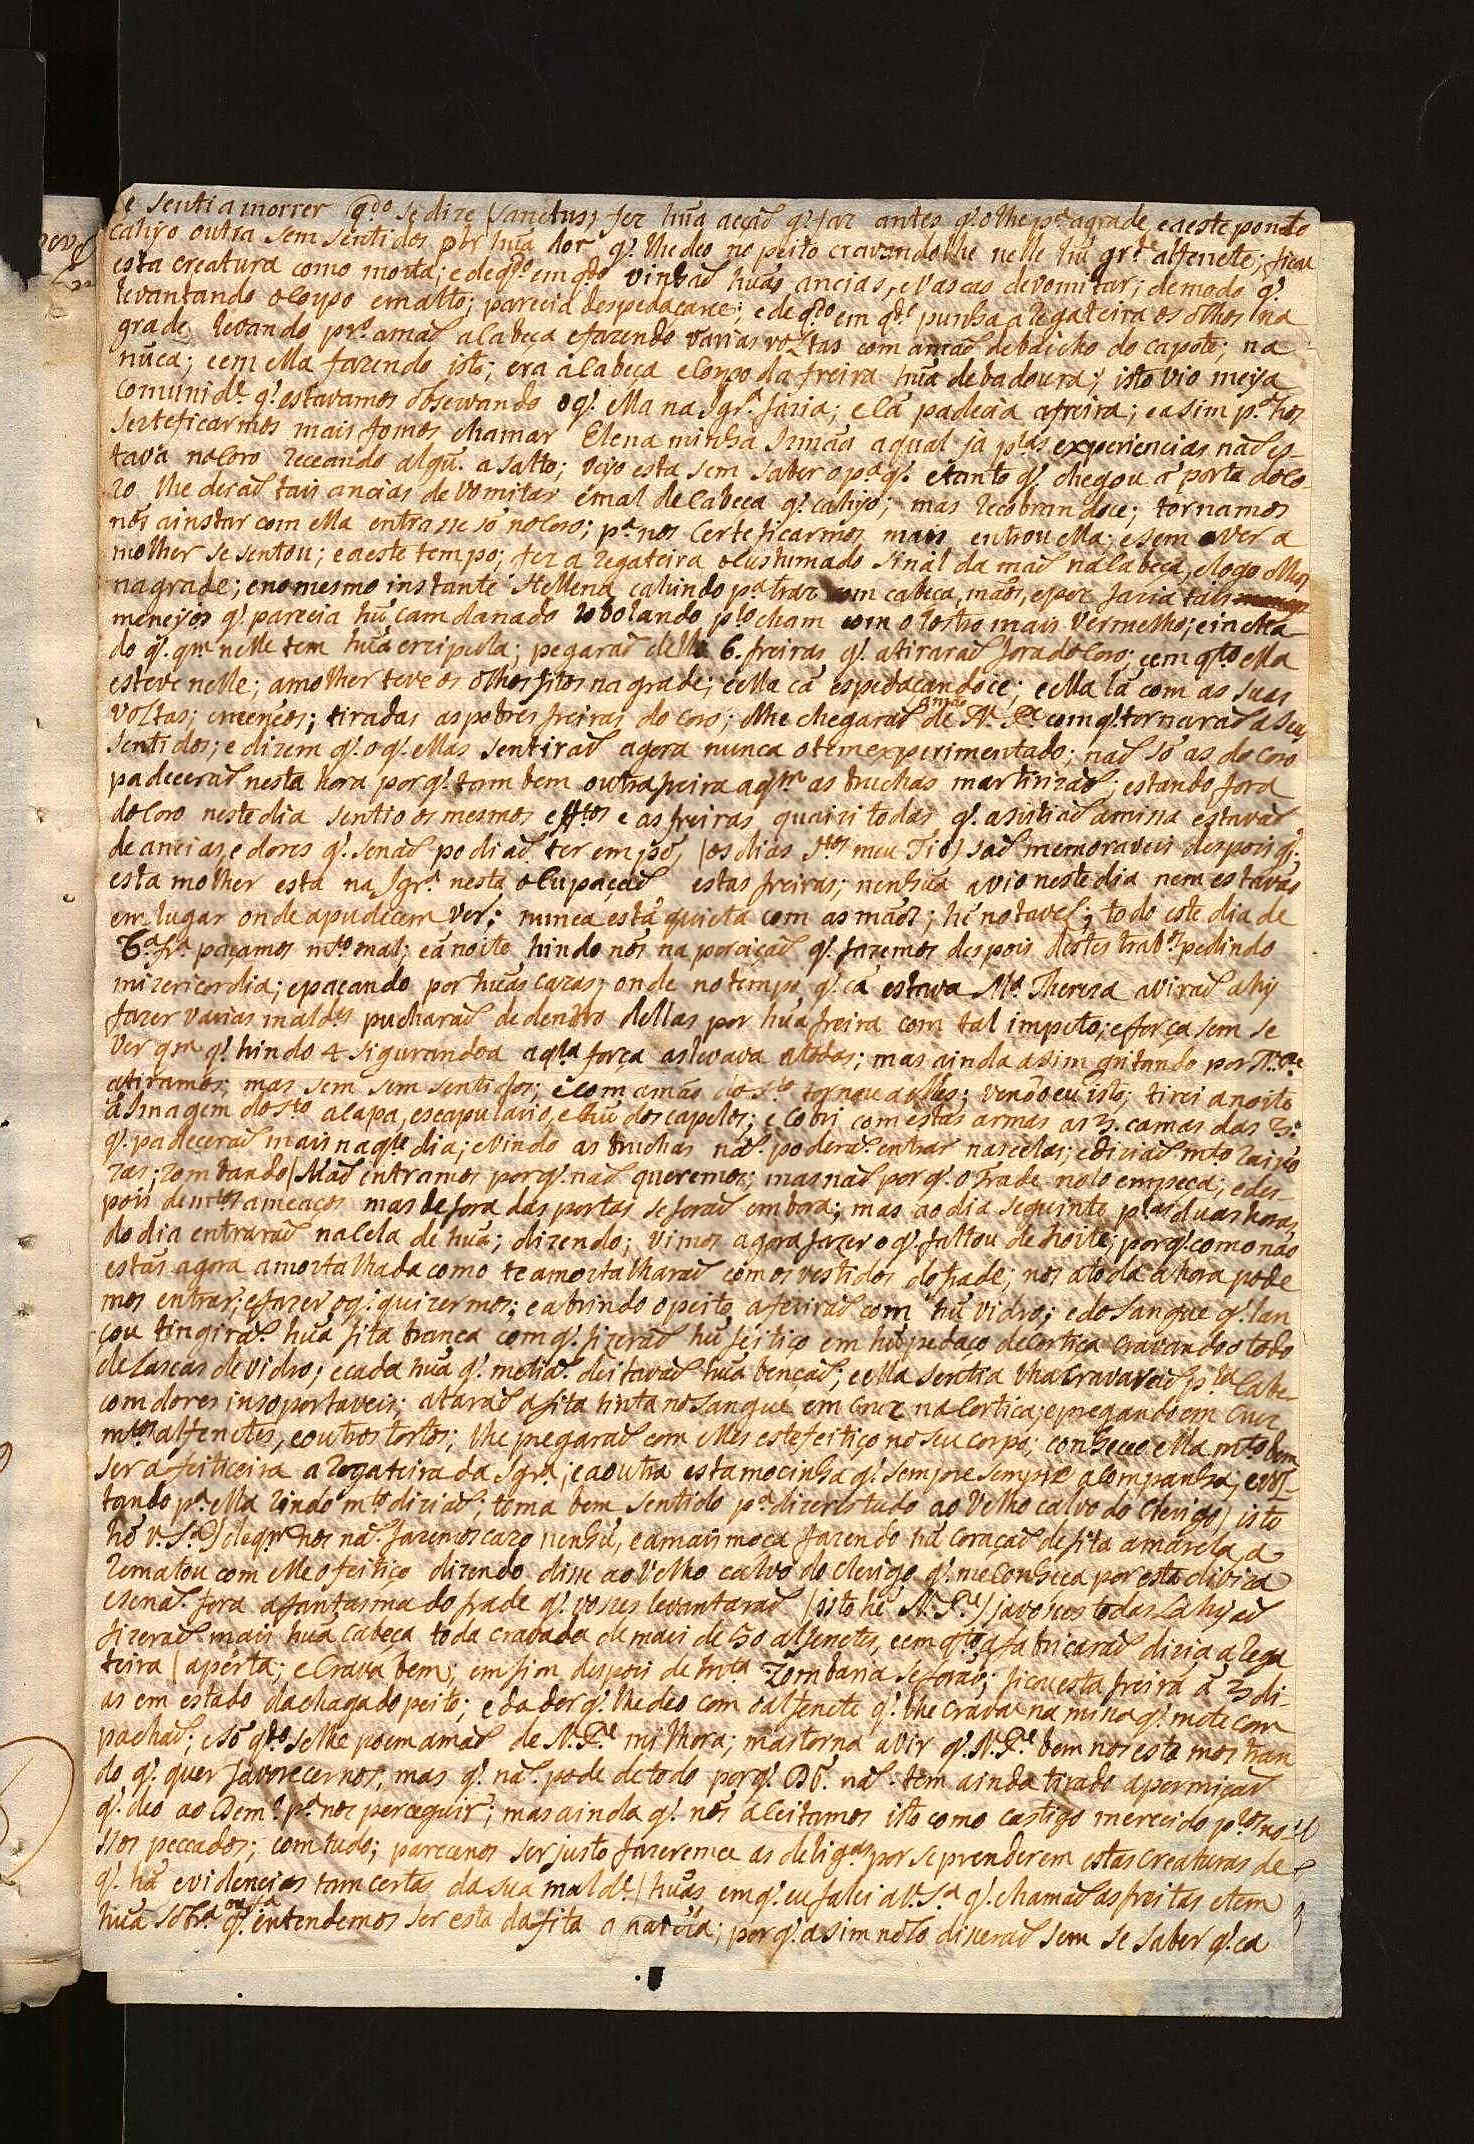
e senti a morrer q.do se dize sanctus, fez hūa acçaõ q̄. faz antes q̄. olhe p.a a grade e a este ponto
cahyo outra sem sentidos por hūa dor q̄. lhe deo no peito cravandolhe nelle hū gr.de alfinete; ficou
esta creatura como morta; e de q.do em qdo vinhaõ huās ancias, e Vascas de vomitar; de modo q̄.
levantando o corpo em alto; parecia despedaçarce; e de q.do em q.do punha a Regateira os olhos na
grade levando pr.o a maõ a Cabeça e fazendo varias voltas com a maõ debaicho do capote; na
nūca; e em ella fazendo isto; era a Cabeça e Corpo da freira huā debadoura; isto vio meya
comunid.e q̄. estavamos observando o q̄. ella na Igr.a fazia; e lá padecia a freira; e asim p.a nos
serteficarmos mais fomos chamar Elena minha Irmaã a qual já plas experiencias naõ es
tava no coro receando algū. asalto; veyo esta sem saber o p.a q̄. e tanto q̄ chegou á porta do co
ro lhe deraõ tais ancias de vomitar e mal de cabeça q̄ cahyo; mas Recobrandoce; tornamos
nós a instar com ella entrasse só no coro; p.a nos certeficarmos mais entrou ella; e sem a ver a
molher se sentou; e a este tempo fez a Regateira o custumado sinal da maõ na Cabeça, e logo olhou
na grade; e no mesmo instante Hellena, cahindo p.a traz com cabeca, maõs, e pez fazia tais _
meneyos q̄. parecia hū cam danado Robolando plo cham com o Rostro mais vermelho; e incha
do q̄. qm. nelle tem huā erzipela; pegaraõ della 6. freiras q̄. a tiraraõ fora do coro; e emqto ella
esteve nelle; a molher teve os olhos fitos na grade; e ella cá espedaçandoce; e ella lá com as suas
voltas; e menēos, tiradas as pobres freiras do coro; e lhe chegaraõ de N. P.e com q̄. tornaraõ a seus
sentidos; e dizem q̄. o q̄. ellas sentiraõ agora nunca o tem experimentado; naõ só as do coro
padeçeraõ nesta hora porq̄. tambem outra freira a q.m as bruchas martirizaõ; estando fora
do coro neste dia sentio os mesmos eff.tos e as freiras quaisi todas q̄. asistiaõ a missa estavaõ
de ancias e dores q̄. se naõ podiaõ ter em pé, / os dias S.tos meu Tio / saõ memoraveis despois q̄.
esta molher esta na Igr.a nesta ocupaçaõ estas freiras, nenhuā a vio neste dia, nem estavaõ
em lugar onde a pudecem ver; nunca está quieta com as maõs; hé notavel; todo este dia de
6.a fr.a paçamos m.to mal; e á noite hindo nós na porciçaõ q̄ fazemos despois destes trab.oz pedindo
misericordia; e pacando por huās cazas, onde no tempo q̄. cá estava M.a Thereza a viraõ ahy
fazer varias mald.es pucharaõ de dentro dellas por huā freira com tal impito; e força sem se
ver qm q̄. hindo 4 sigurandoa aq.la força as levava a todos; mas ainda asim gritando por N. Pe.
a tiramos; mas sem sem sentidos; e com a mão do s.to tornou a elles; vendo eu isto; tirei a noite
a Imagem do S.to a capa, escapulario, e hū dos capelos; cobri com estas armas as 3 camas das 3.
q̄. padeceraõ mais naq.le dia; e vindo as bruchas, naõ poderaõ entrar nas celas; e diziaõ mto Raivo
zas; zombando / Naõ entramos porq̄. naõ queremos; mas naõ porq̄. o Frade nos o empeça; e des
pois de mtos ameaços mas de fora das portas se foraõ embora; mas ao dia seguinte p.las duas horas
do dia entraraõ na Cela de huā; dizendo; vimos agora fazer o q̄. faltou de noite; porq̄. como não
estás agora amortalhada como te amortalharaõ com os vestidos do frade; nos a toda a hora pode
mos entrar: e fazer o q̄. quizermos; e abrindo o peito a feriraõ com hū vidro; e do sangue q̄. lan
çou tingiraõ huā fita branca com q̄. fizerão hū feitiço em hū pedaço de cortiça cravando o todo
de lascas de vidro; e cada huā q̄. metia. deitavaõ huā tençaõ; e ella sentia lha cravaraõ p.la Cabe
com dores insoportaveis; ataraõ a fita tinta no sangue em cruz na cortica; e pregando em cruz
m.tos alfenetes, e outros tortos; lhe pregaraõ com elles este feitiço no seu corpo; conheceo ella m.to bem
ser a feiticeira a Regateira da Igra; e a outra esta mocinha q̄. sempre sempre acompanha; e voL
tando p.a ella Rindo m.to diziaõ; toma bem sentido p.a dizeres tudo ao velho calvo do clerigo / isto
hé V. S.a / de q.m nos naõ fazemos cazo nenhū, e a mais moça fazendo hū coraçaõ de fita amarela, a
Rematou com elle o feitiço dizendo disse ao Velho calvo do clerigo q̄. me conheça por esta diviza
e se naõ fora a fantasma do frade q̄. vosses levantaraõ / isto he N. P.e / ja vosses todas La hyaõ
fizeraõ mais huā cabeça toda cravada de mais de 50 alfenetes, e emq̄.to a fabricaraõ dizia a Rega
teira / aperta; e Craua bem; emfim despois de m.ta zombaria se foraõ, ficou esta freira a 3 di
as em estado da chaga do peito; e da dor q̄. lhe deo com o alfenete q̄. lhe cravou na missa q̄. mete com
pachaõ; e só q.do se lhe poem a maõ de N. P.e milhora; mas torna a vir q̄. N. P.e bem nos esta mostran
do q̄. quer favorecernos, mas q̄. naõ pode de todo porq̄ Ds̄. naõ. tem ainda tirado a permiçaõ
q̄. deo ao Dem.o pa nos perceguir; mas ainda q̄. nós aceitamos isto como castigo merecido p.los no
ssos peccados; comtudo; parecenos ser justo fazeremce as delig.as, por se prenderem estas creaturas de
q̄. há evidencias tam certas da sua malde / huās, em q̄. eu falei a V. S.a q̄. chamaõ as freitas, e tem
huā sobr.a ou f.a q̄. entendemos ser esta da fita q̄. haverá; porq̄ asim noLo disseraõ sem se saber q̄. ca
